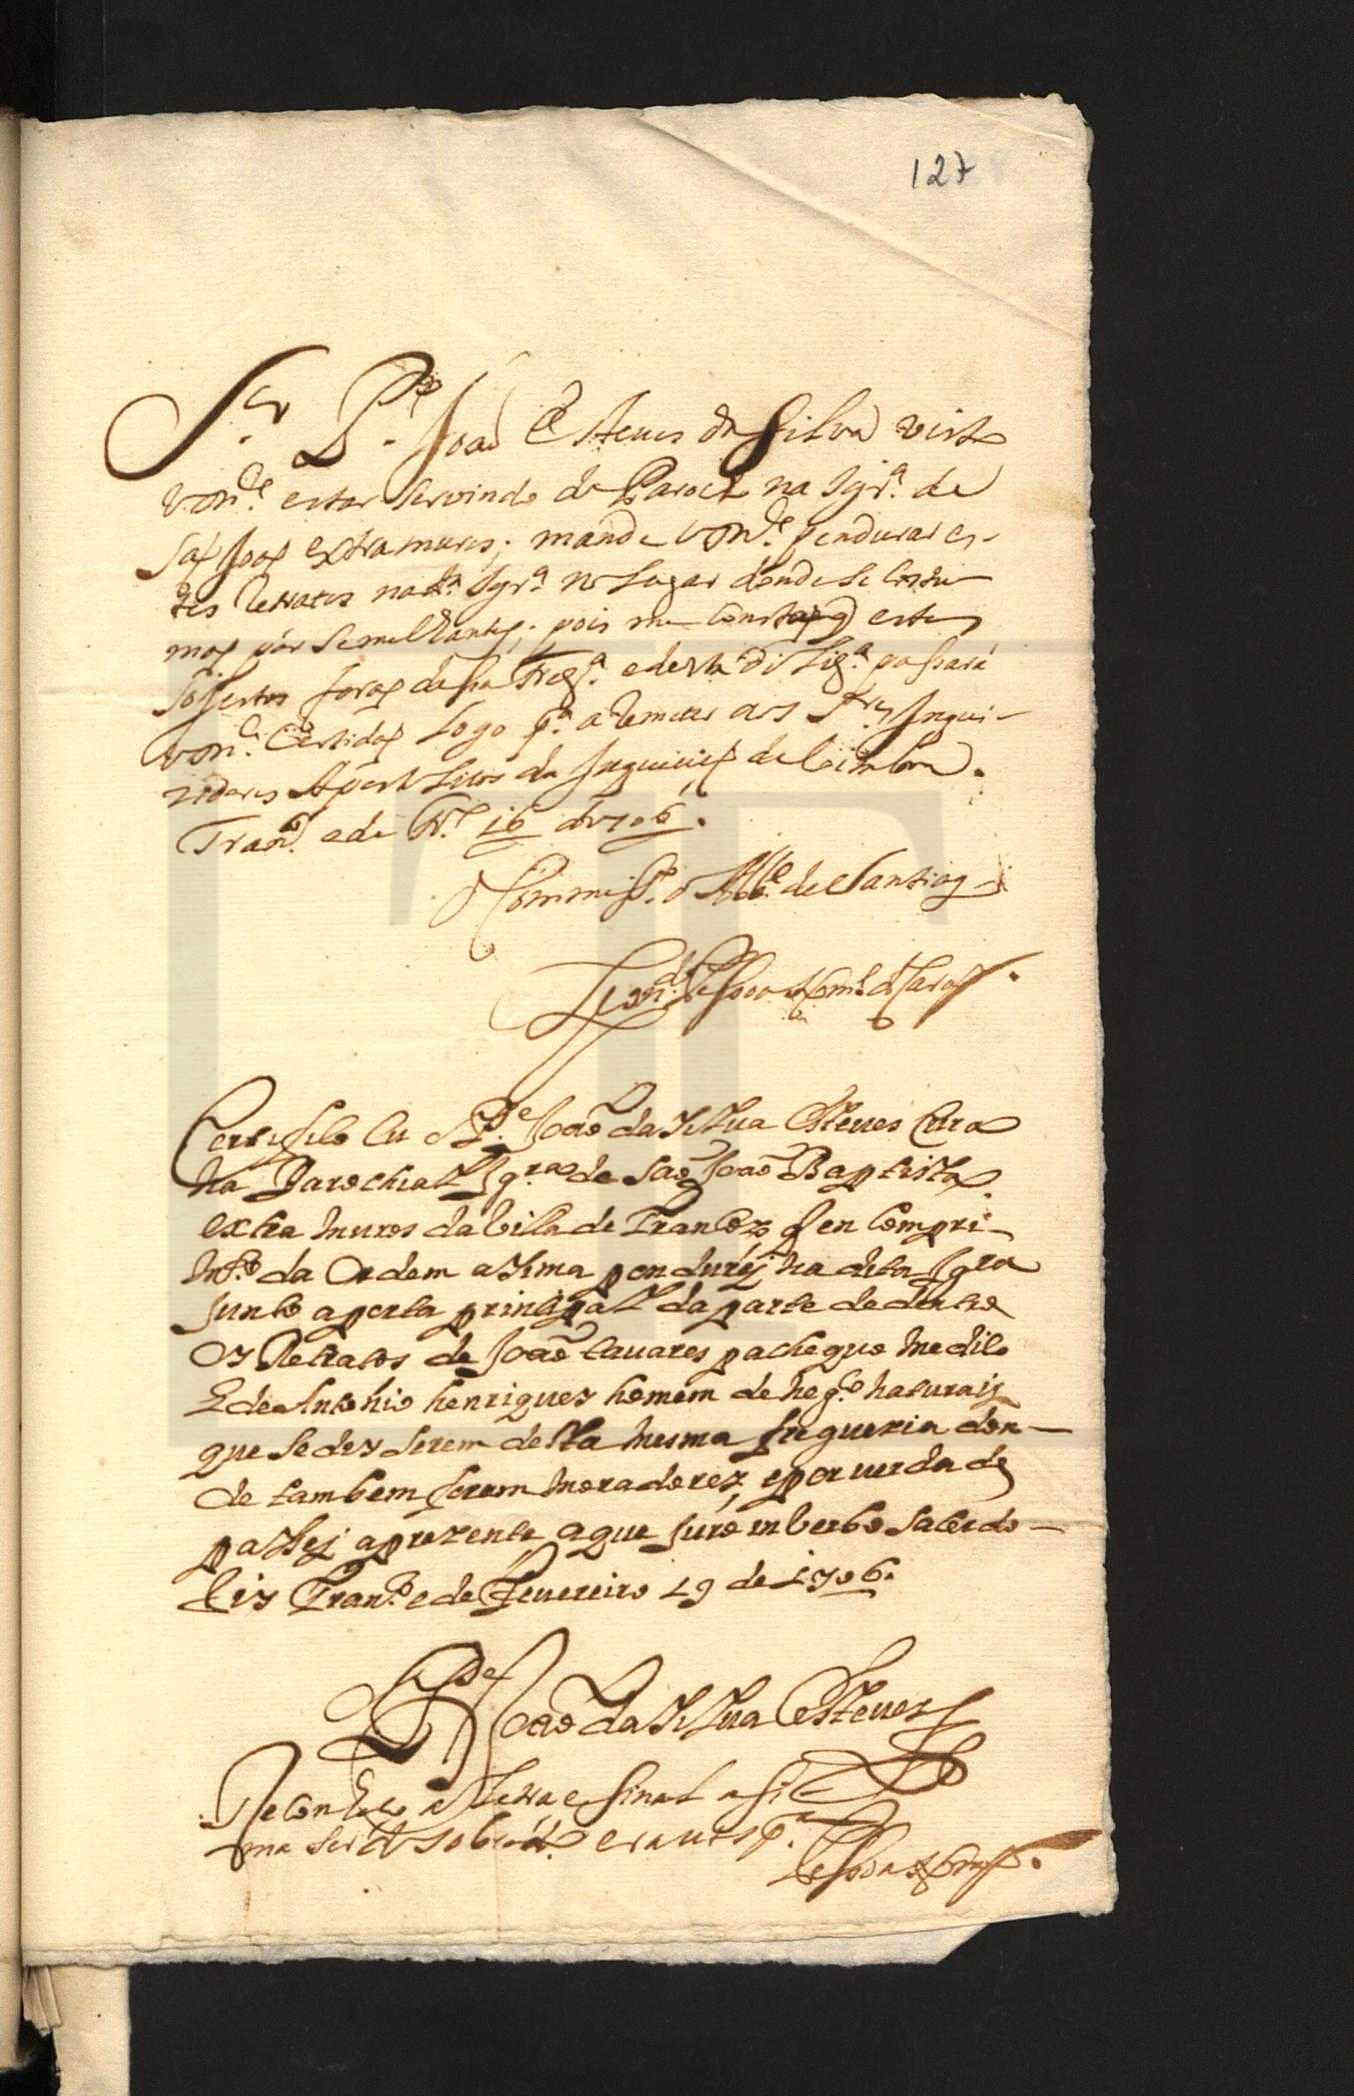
S.or P.e Joaõ Esteues da silva visto
v. m.ce estar servindo de Parocho na Igr.a de
Saõ Joaõ extramuros; mande vm.ce pendurar es
tes Retratos na d̄.a Igr.a no Lugar donde se costu
maꝭ pór semelhantes; pois me Constou q̄ estes
sojeitos foraõ dessa Freg.a e desta dilig.a passará
vm.ce Certidaõ Logo p.a a Remeter aos S.res Jnqui
zidores Apostolicos da Jnquisiçaõ de Coimbra.
Tran.co e de Fr.o i6 d̄ 706.
O Commiss.o o Abb.e de Santiago
Leon.do Pessoa Homē d̄ Caruō
Certifico Eu o P.e Joaõ da silua Esteues Cura
na Parochial Jg.ra de Saõ Joaõ Baptista
extramuros da Villa de Trancozo q̄ en Compri
m.to da Ordem asima pendurej na dita Jgra
junto a porta principaL da parte de dentro
Os Retratos de Joaõ tauares pachequo medico
E de António henriques homem de neg.co naturais
que se dis serem desta mesma freguezia don
de tambem foram moradorez, e por uerdade
passej a prezente, a que juro in verbo sacerdo
tis Tran.co e de Feuereiro 19 de i706.
O Pe Joaõ da Silua Esteuez
Reconheço a Letra, e sinal asi
ma ser do sobred̄.o era ut sp̄.a
Pessoa Homē
